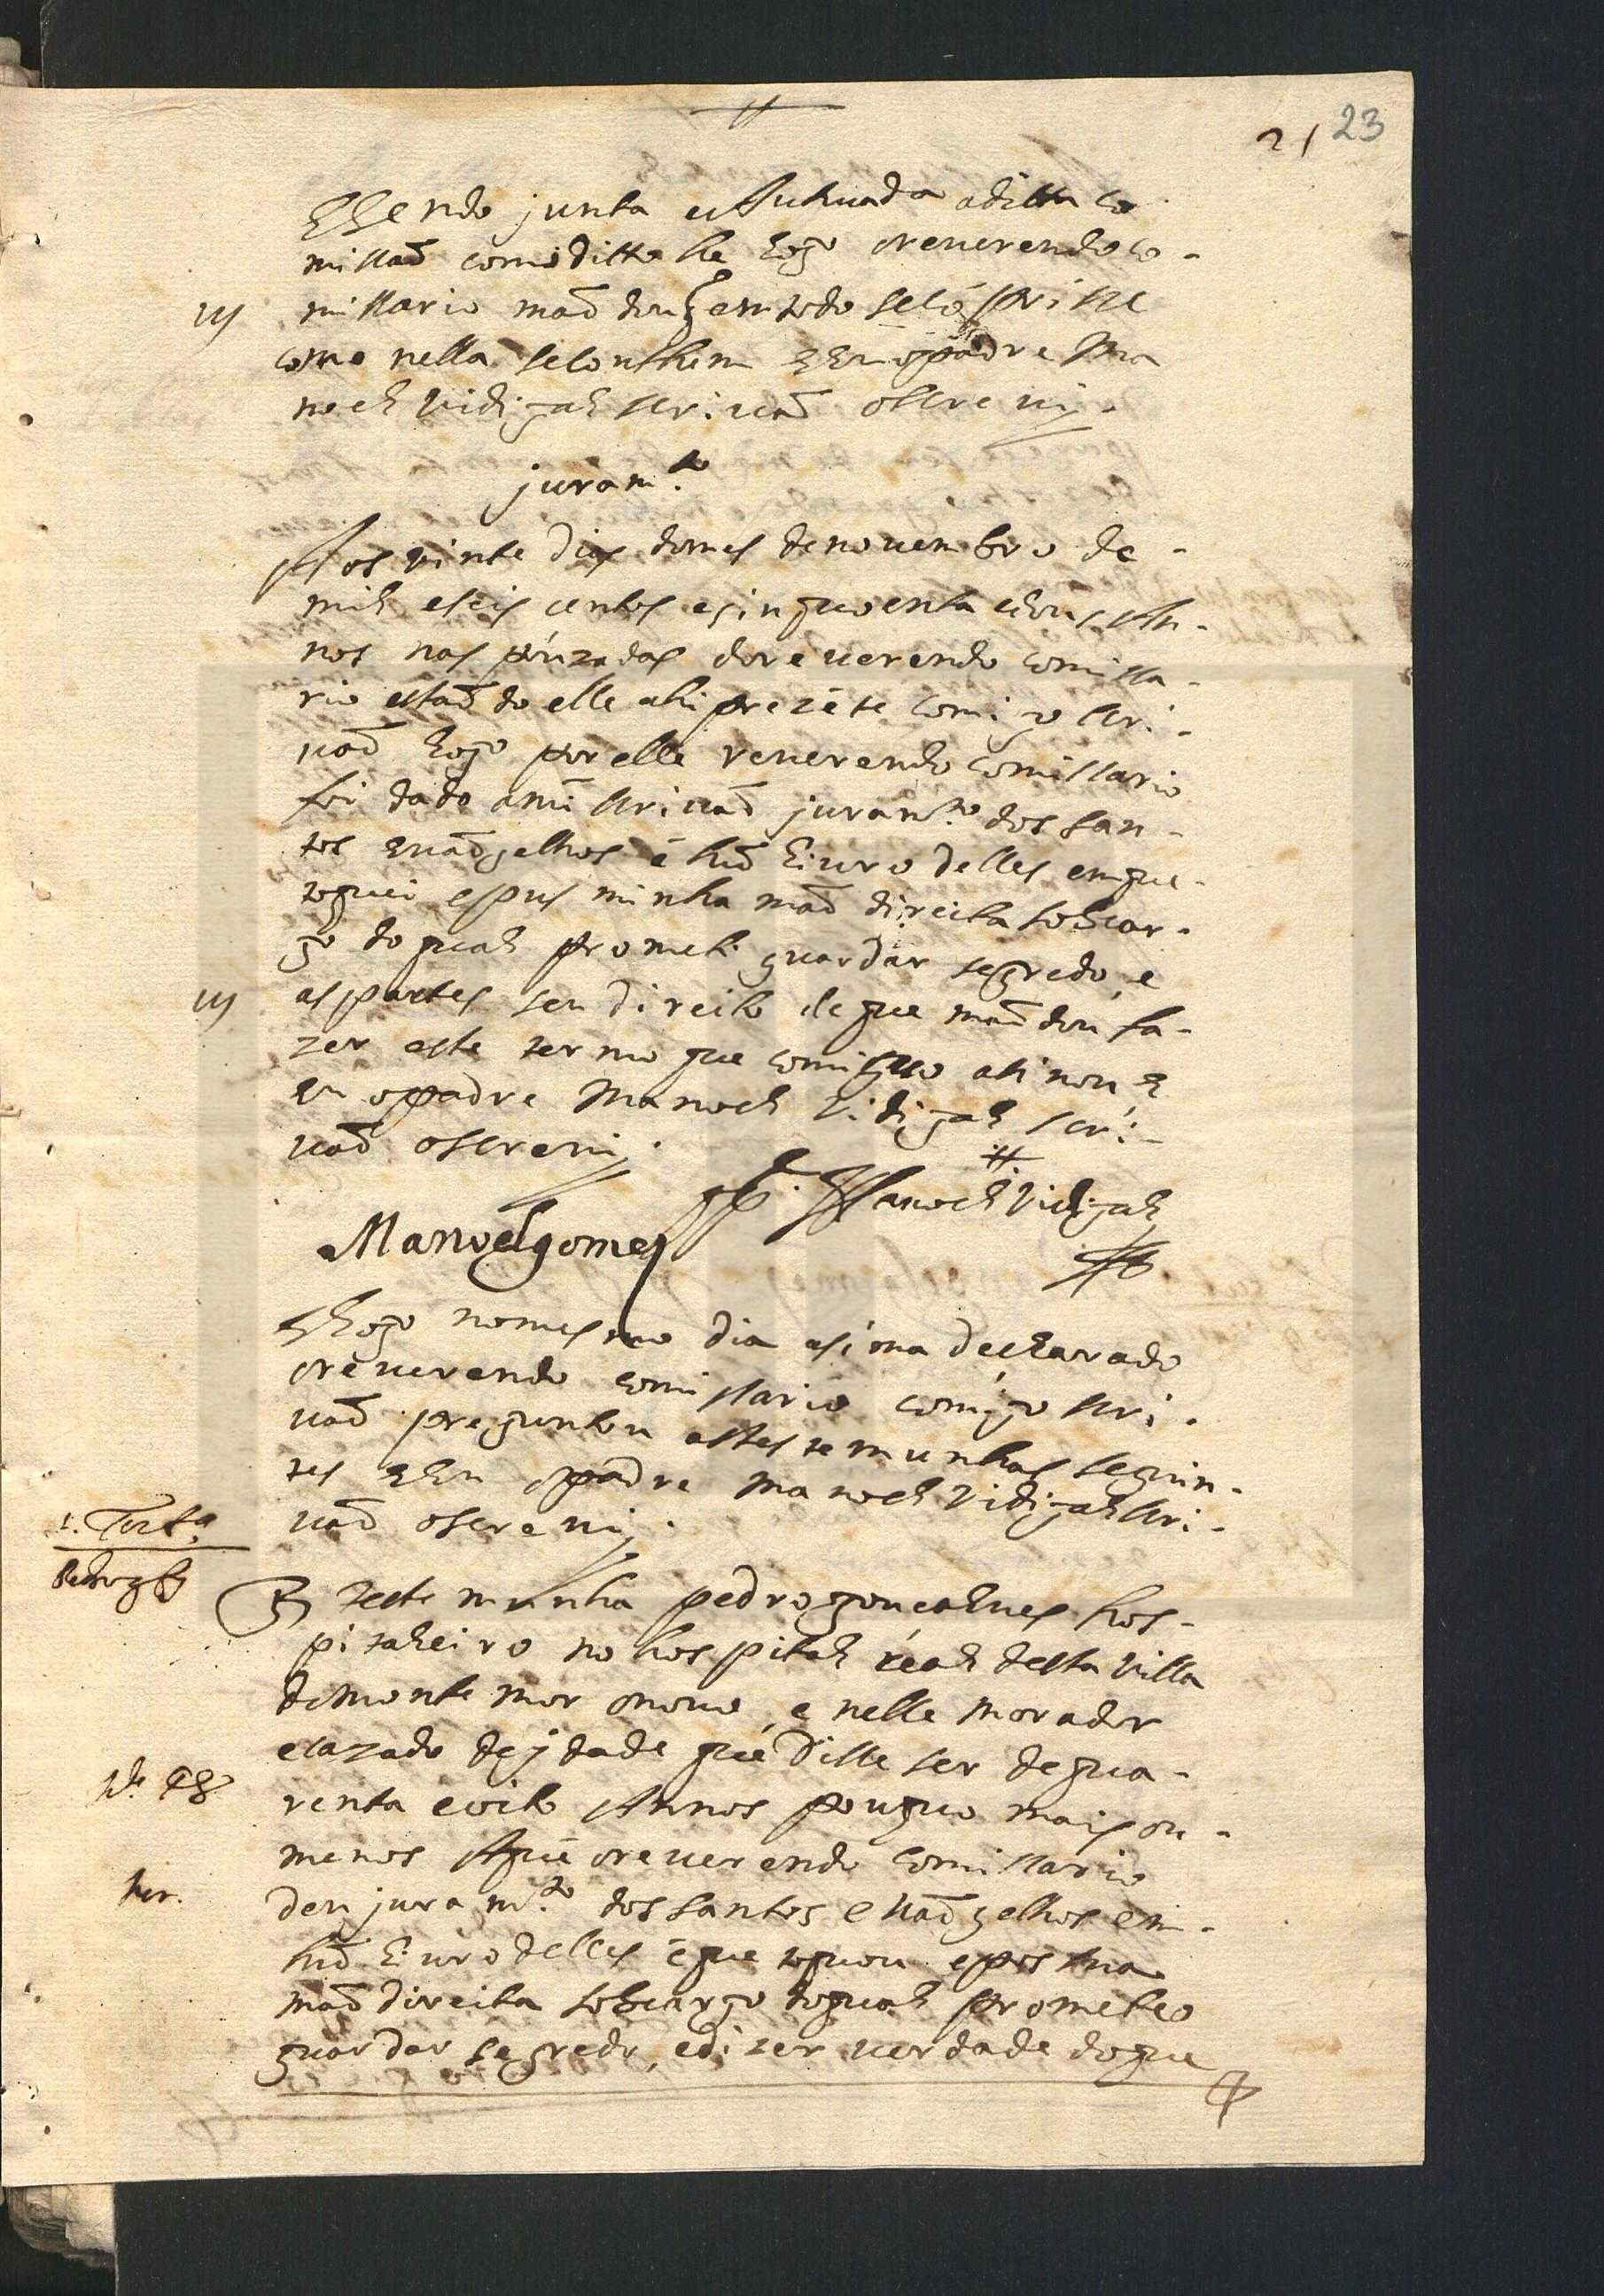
E sendo junta e Autuada a ditta co
missaõ como ditto he logo o reuerendo co
missario maõdou que em todo se cōprisse
como nella se conthem E Eu o padre Ma
noel Vidigal scriuaõ o screui.
juram.to
Aos vinte dias do mes de nouembro de
mil e seisçentos e sinquoenta e dous An
nos nas pouzadas do reuerendo comissa
rio estaõdo elle ahi prezēte comigo scri
uaõ logo por elle reuerendo comissario
foi dado a mī scriuaõ juram.to dos san
tos Euaõjelhos ē hū liuro delles em que
toquei e pus minha mão direita sob car
go do qual prometi guardar segredo, e
as partes seu direito de que mãodou fa
zer este termo que comiguo asinou E
Eu o padre manoel Vidigal scri
uaõ o screui.
E logo no mesmo dia asima declarado
o reuerendo comissario comigo scri
uão preguntou as testemunhas seguin
tes E Eu o padre manoel Vidigal scri
uaõ o escreui.
item testemunha pedro gonçalues hos
pitaleiro no hospital real desta villa
de montemor o nouo, e nelle morador
e cazado de jdade que disse ser de qua
renta e oito Annos pouquo mais ou
menos A quē o reuerendo comissario
deu juram.to dos santos euãogelhos em
hū liuro delles ē que toquou e pos sua
maõ direita sob cargo do qual prometeo
guardar segredo, e dizer uerdade do que
